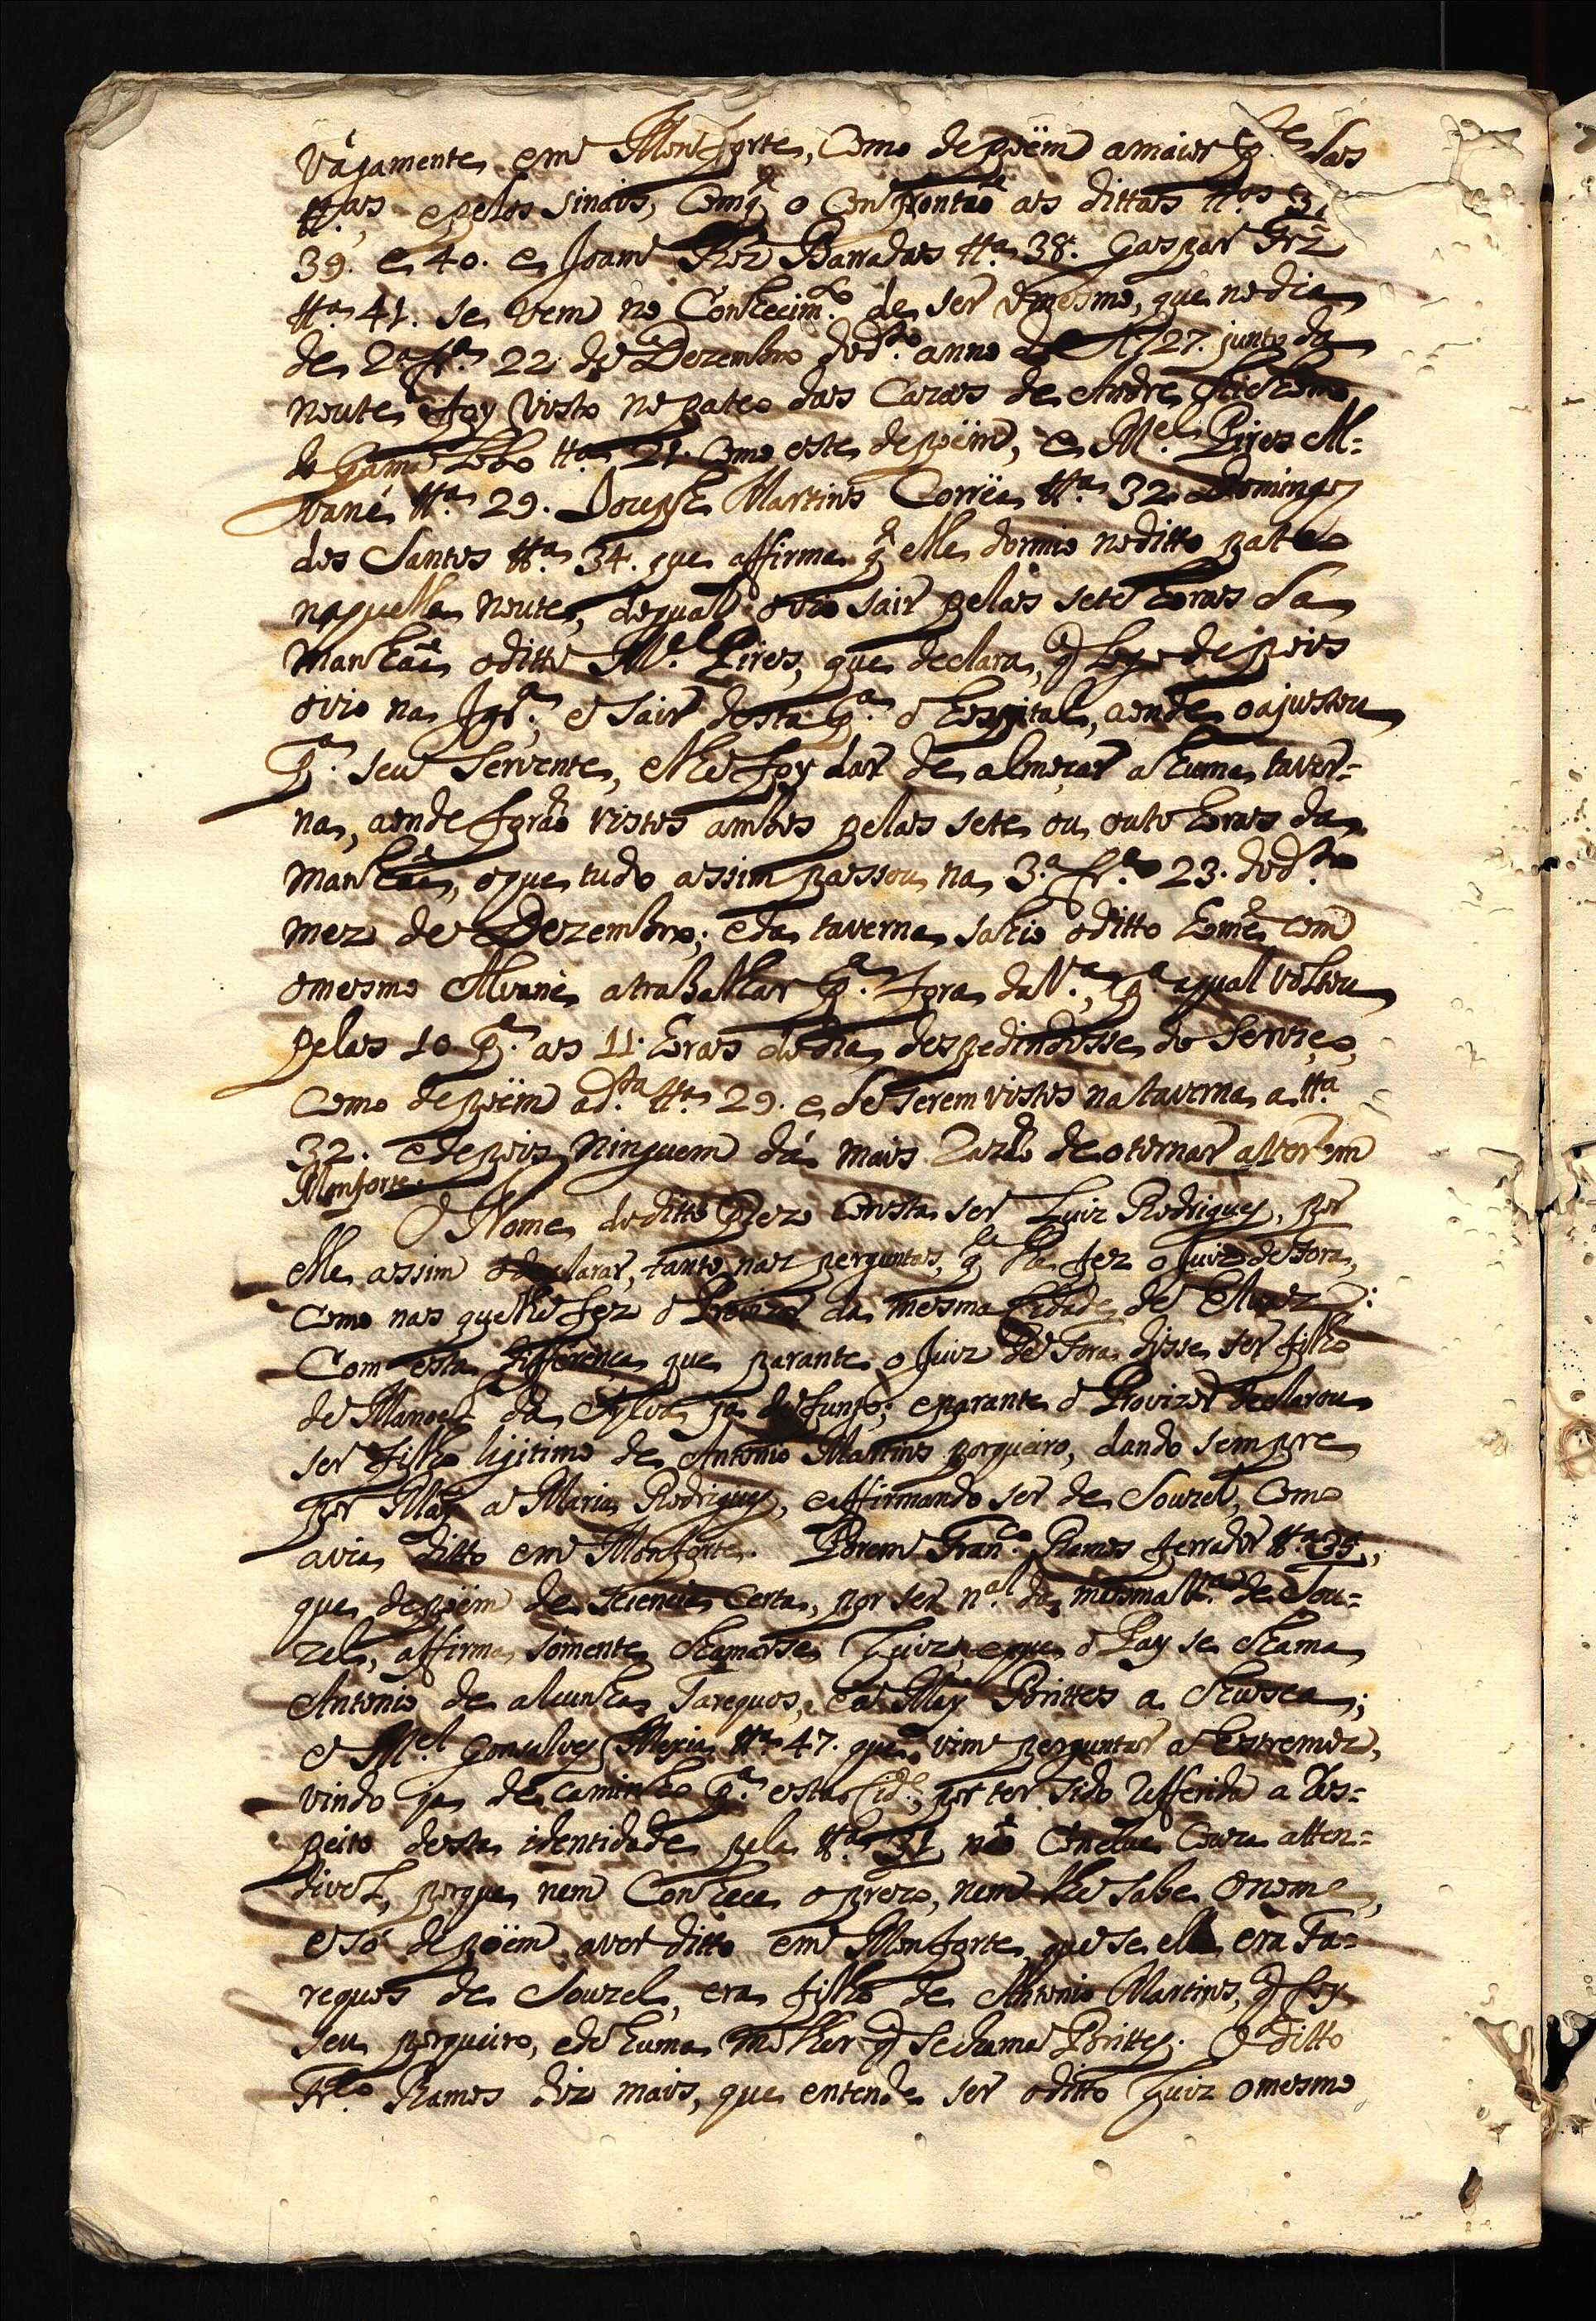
Vágamente em Monforte, Como depoem a maior p.te das
tt.as, e pelos sinais, Com q̄ o Confrontaõ as dittas tt.as 3
39. e 40. e Joam Roz̄ Barradas tt.a 38. Gaspar Frz̄
tt.a 41. se vem no Conhecim.to de ser o mesmo, que no dia
de 2a. fr.a 22 de Dezembro do d.to anno de 1727. junto da
noute foy visto no pateo das Cazas de Andre chichorro
da Gama Lobo tt.a 21. Como este depoem, e M.el Pires Al
vané tt.a 29. Iozeph Martins Correa, tt.a 32 Domingos
dos Santos tt.a 34. que affirma q̄ elle dormio no ditto pateo
naquella noute, do qual o vio sair pelas sete horas da
manhaã o ditto M.el Pires, que declara, q̄ logo depois
o vio na Jgr.a; e sair desta p.a o hospital, aonde o ajustou
p.a. seu servente, e lhe foy dar de almoçar a huma taver
na, aonde forão vistos ambos pelas sete ou outo horas da
manhaã, e que tudo assim passou na 3.a fr.a 23. do d.to
mez de Dezembro; e da taverna sahio o ditto homē com
o mesmo Alvanè a trabalhar p.a fora da V.a, p.a a qual voltou
pelas 10 p.a as 11. horas do dia despedindosse do serviço,
como depoem a d.ta tt.a 29. e de serem vistos na taverna a tt.a
32. e depois ninguem dá mais Razão de o tornar a Ver em
Monforte
O Nome do ditto pRezo consta ser Luiz Rodrigues, por
elle assim o declarar, tanto naz perguntas, q̄ lhe fez o Juiz de Fora,
como nas que lhe fez o Provizor da mesma Cidade de Elvaz:
Com esta differença que parante o Juiz de Fora disse ser filho
de Manoel da Sylva ja defunto; e parante o Provizor declarou
ser filho ligitimo de Antonio Martins porqueiro, dando sempre
por May a Maria Rodrigues, e affirmando ser de Souzel, como
avia ditto em Monforte. Porem Fran.co Ramos ferrador tt.a 35,
que depoem de sciencia certa, por ser n.al da mesma V.a de Sou
zel, affirma somente chamarse Luiz, e que o Pay se chama
Antonio de alcunha Tarequos, e a May Brittes a chusca;
e M.el Goncalves Mexia tt.a 47. que vim perguntar a Estremoz,
vindo ja de caminho p.a esta Cid.e; por ter sido Refferida a Res
peito desta identidade pela tt.a 31 naõ Conclue Couza atten
diveL, porque nem conhece o prezo, nem lhe sabe o nome,
e só depoem aver ditto em Monforte que se elle era Fa
requos de Souzel, era filho de Antonio Martins, q̄ foy
seu porqueiro, e de huma molher q̄ se chama Brittes. O ditto
Fr.co Ramos diz mais, que entende ser o ditto Luiz o mesmo
